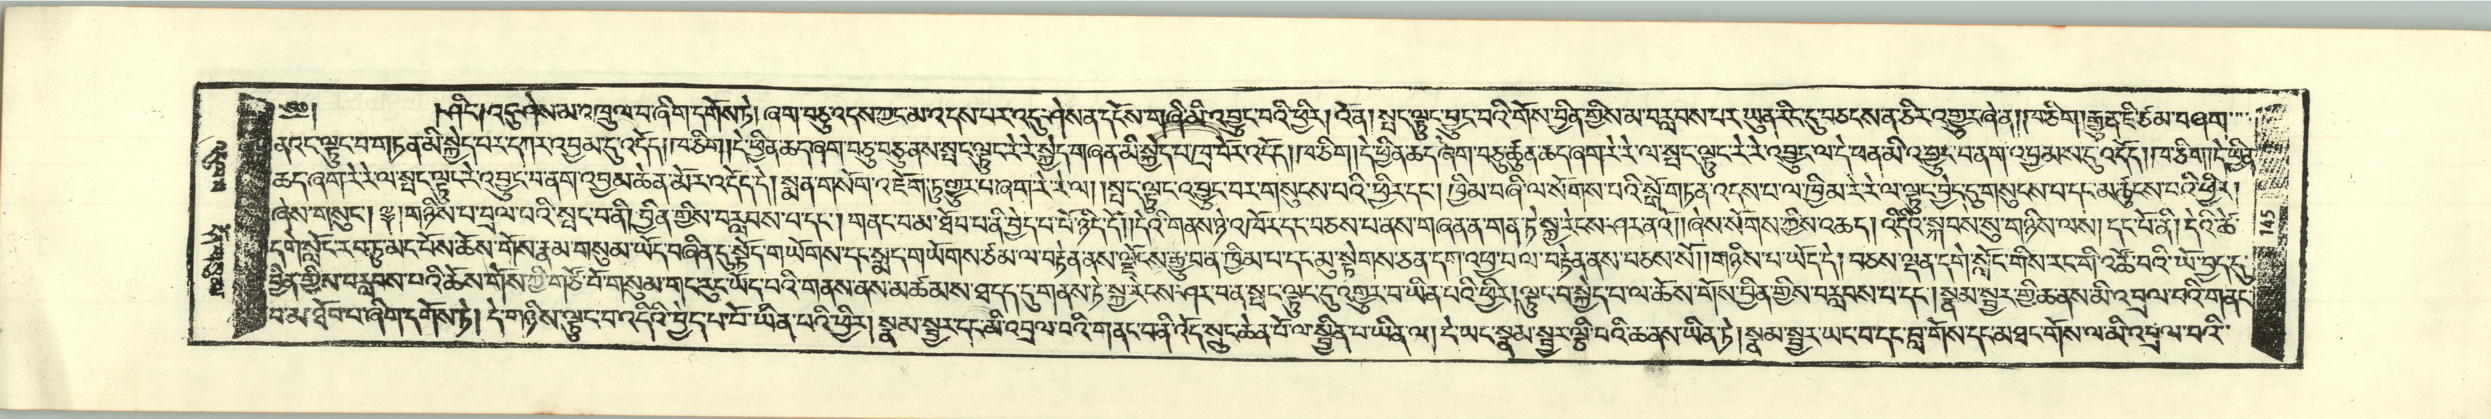༄༅། །ཤིང་། འདུ་ཤེས་མ་འཁྲུལ་བ་ཞིག་དགོས་ཏེ། ཞག་བཅུ་འདས་ཀྱང་མ་འདས་པར་འདུ་ཤེས་ན་དངོས་གཞི་མི་འབྱུང་བའི་ཕྱིར། འོ་ན། སྤང་ལྟུང་བྱུང་བའི་གོས་བྱིན་གྱིས་མ་བརླབས་པར་ཡུན་རིང་དུ་བཅངས་ན་ཅིར་འགྱུར་ཞེ་ན། ཁ་ཅིག །རྒྱུན་ཇི་ཙམ་བཞག་
ནའང་ལྟུང་བ་གཏན་མི་སྐྱེད་པར་དཀར་འབྱམ་དུ་འདོད། ཁ་ཅིག །དེ་ཕྱིན་ཆད་ཞག་བཅུ་བཅུ་ནས་སྤང་ལྟུང་རེ་རེ་སྐྱེད་གཞན་མི་སྐྱེད་པ་ཁྲ་བོར་འདོད། ཁ་ཅིག །དེ་ཕྱིན་ཆད་ཞག་བཅུ་ཚུན་ཆད་ཞག་རེ་རེ་ལ་སྤང་ལྟུང་རེ་རེ་འབྱུང་ལ་དེ་ཕན་མི་འབྱུང་བ་ནག་འབྱམས་དུ་འདོད། ཁ་ཅིག །དེ་ཕྱིན་
ཆད་ཞག་རེ་རེ་ལ་སྤང་ལྟུང་རེ་འབྱུང་བ་ནག་འབྱམ་ཆེན་མོར་འདོད་དེ། སྨན་གསོག་འཇོག་ཏུ་གྱུར་པ་ཞག་རེ་རེ་ལ། །སྤང་ལྟུང་འབྱུང་བར་གསུངས་པའི་ཕྱིར་དང་། ཁྱིམ་བཞི་ལ་སོགས་པའི་སྒོ་གཏན་འདས་པ་ལ་ཁྱིམ་རེ་རེ་ལ་ལྟུང་བྱེད་དུ་གསུངས་པ་དང་མཚུངས་པའི་ཕྱིར།
ཞེས་གསུང་། ༈ །གཉིས་པ་བྲལ་པའི་སྤང་བ་ནི། བྱིན་གྱིས་བརླབས་པ་དང་། གནང་བ་མ་ཐོབ་པ་ནི་བྱེད་པ་པོ་ཉིད་དོ། །དེའི་གནས་ཉེ་འཁོར་དང་བཅས་པ་ནས་གཞན་ན་གན་ཏེ་སྐྱ་རེངས་ཤར་ནའོ། །ཞེས་སོགས་ཀྱིས་འཆད། འདིའི་སྐབས་སུ་གཉིས་ལས། དང་པོ་ནི། དེའི་ཚེ་
དགེ་སློང་རབ་ཏུ་མང་པོས་ཆོས་གོས་རྣམ་གསུམ་ཡོད་བཞིན་དུ་སྟོད་གཡོགས་དང་སྨད་གཡོགས་ཙམ་ལ་བརྟེན་ནས་ལྗོངས་རྒྱུ་བ་ན་ཁྱིམ་པ་དང་མུ་སྟེགས་ཅན་དག་འཕྱ་བ་ལ་བརྟེན་ནས་བཅས་སོ། །གཉིས་པ་ཡོད་དེ། བཅས་ལྡན་དགེ་སློང་གིས་རང་གི་འཚོ་བའི་ཡོ་བྱད་དུ་
བྱིན་གྱིས་བརླབས་པའི་ཆོས་གོས་ཀྱི་གཙོ་བོ་གསུམ་གང་རུང་ཡོད་པའི་གནས་ནས་མཚམས་ཐ་དད་དུ་གནས་ཏེ་སྐྱ་རེངས་ཤར་བ་ན་སྤང་ལྟུང་དུ་འགྱུར་བ་ཡིན་པའི་ཕྱིར། ལྟུང་བ་སྐྱེད་པ་ལ་ཆོས་གོས་བྱིན་གྱིས་བརླབས་པ་དང་། སྣམ་སྦྱར་གྱི་ཆ་ནས་མི་འབྲལ་བའི་གནང་
བ་མ་ཐོབ་པ་ཞིག་དགོས་ཏེ། དེ་གཉིས་ལྟུང་བ་འདིའི་བྱེད་པ་པོ་ཡིན་པའི་ཕྱིར། སྣམ་སྦྱར་དང་མི་འབྲལ་བའི་གནང་བ་ནི་འོད་སྲུང་ཆེན་པོ་ལ་སྦྱིན་པ་ཡིན་ལ། དེ་ཡང་སྣམ་སྦྱར་ལྕི་བའི་ཆ་ནས་ཡིན་ཏེ། སྣམ་སྦྱར་ཡང་བ་དང་བླ་གོས་དང་མཐང་གོས་ལ་མི་འབྲལ་བའི་